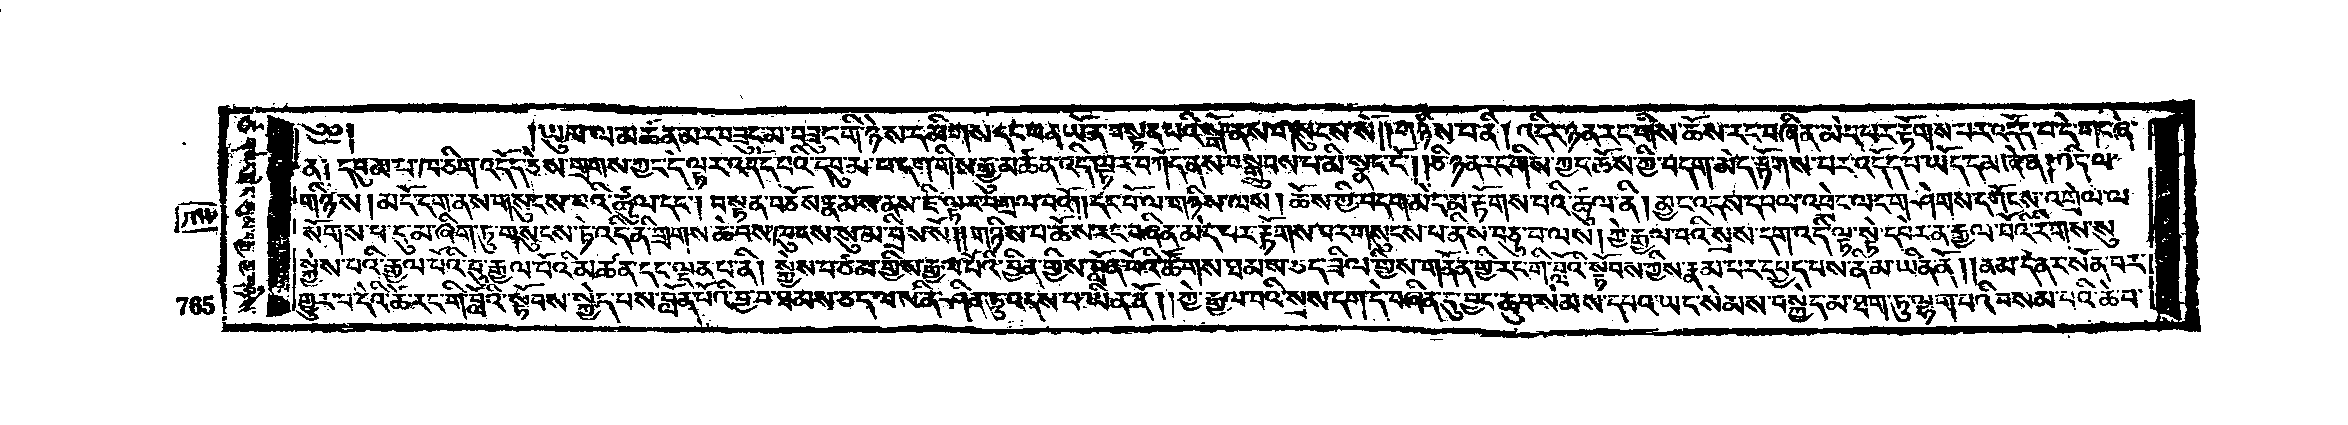༄༅། །ཡུམ་ལ་མཚན་མར་བཟུང་མ་བཟུང་གི་ཉེས་དམིགས་དང་ཕན་ཡོན་བསྟན་པའི་སྒོ་ནས་གསུངས་སོ། །གཉིས་པ་ནི། འདིར་ཉན་རང་གིས་ཆེས་རང་བཞིན་མེད་པར་རྟོགས་པར་འདོད་པ་དེ་གང་ཞེ་
ན། དབུ་མ་པ་ཁ་ཅིག་འདོད་ཅེས་གྲགས་ཀྱང་དེ་ལྟར་འདོད་པའི་དབུ་མ་པ་དག་གིས་རྒྱུ་མཚན་འདི་ལྟར་བཀོད་ནས་བསྒྲུབས་པ་མི་སྣང་ངོ། །ཅི་ཉན་རང་གིས་ཀྱང་ཆོས་ཀྱི་བདག་མེད་རྟོགས་པར་འདོད་པ་ཡོད་དམ་ཞེ་ན། འདི་ལ་
གཉིས། མདོ་དག་ནས་གསུངས་པའི་ཚུལ་དང་། བསྟན་བཅོས་རྣམས་ནས་ཇི་ལྟར་བཀྲལ་བའོ། །དང་པོ་ལ་གཉིས་ལས། ཆོས་ཀྱི་བདག་མེད་མ་རྟོགས་པའི་ཚུལ་ནི། མྱང་འདས་དཔལ་འཕྲེང་ལང་གཤེགས་དགོངས་འགྲེལ་ལ་
སོགས་པ་དུ་མ་ཞིག་ཏུ་གསུངས་ཏེ་འདི་ནི་གྲགས་ཆེ་བས་ཁུངས་སུ་མ་བྲིས་སོ། །གཉིས་པ་ཆོས་རང་བཞིན་མེད་པར་རྟོགས་པར་གསུངས་པ་ནི་ས་བཅུ་པ་ལས། ཀྱེ་རྒྱལ་བའི་སྲས་དག་འདི་ལྟ་སྟེ་དཔེར་ན་རྒྱལ་པོའི་རིགས་སུ་
སྐྱེས་པའི་རྒྱལ་པོའི་བུ་རྒྱལ་པོའི་མཚན་དང་ལྡན་པ་ནི། སྐྱེས་པ་ཙམ་གྱིས་རྒྱལ་པོའི་བྱིན་གྱིས་བློན་པོའི་ཚོགས་ཐམས་ཅད་ཟིལ་གྱིས་གནོན་གྱི་རང་གི་བློའི་སྟོབས་ཀྱིས་རྣམ་པར་དཔྱད་པས་ནི་མ་ཡིན་ནོ། །ནམ་དེ་ནར་སོན་པར་
གྱུར་བ་དེའི་ཚེ་རང་གི་བློའི་སྟོབས་སྐྱེད་པས་བློན་པོའི་བྱ་བ་ཐམས་ཅད་ལས་ནི་ཤིན་ཏུ་འདས་པ་ཡིན་ནོ། ཀྱེ་རྒྱལ་བའི་སྲས་དག་དེ་བཞིན་དུ་བྱང་ཆུབ་སེམས་དཔའ་ཡང་སེམས་བསྐྱེད་མ་ཐག་ཏུ་ལྷག་པའི་བསམ་པའི་ཆེ་བ་